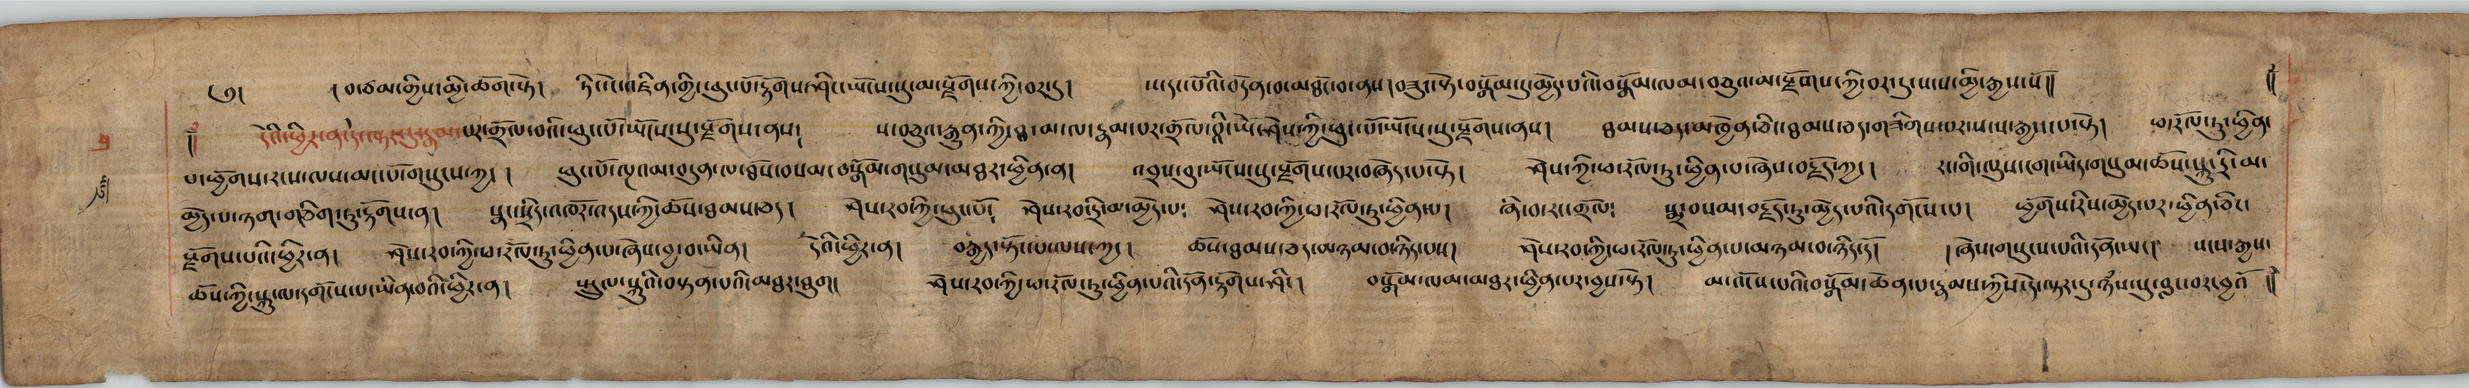༅། ། བ་ཙམ་གྱིས་ཥྱི་ཆོག་སྟེ། ཏིང་ངེ་འཛིན་གྱི་ཕུང་པོ་རྟོགས་ཤིང་ཡོངས་སུ་མ་སྫོགས་ཀྱི་བར་དུ། ས་དང་པོའི་བདེན་བ་མཐོང་བ་ནས་བཟུང་སྟེ་བསྒོམ་དུ་མྱེད་པའི་བསྒོམ་དུ་མྱེད་པའི་བསྒོམ་ལམ་བཅུའ་མ་སྫོགས་ཀྱི་བར་དུ་སངས་གྱི་རྒྱས་སོ།།
དེའི་ཕྱིར་ན་དེ་ལྟར་དུ་རྣམ་པར་གྲོལ་བའི་ཕུང་པོ་ཡོངས་སུ་སྫོགས་ནས། ས་བཅུའ་རྒྱུན་ཀྱི་ཐ་མ་ལ་རྣམ་པར་གྲོལ་བི་ཡེ་ཤེས་ཀྱི་ཕུང་པོ་ཡོངས་སུ་སྫོགས་ནས། ཐམས་ཅད་མཁྱེན་ཅིང་ཐམས་ཅད་གཟིགས་པར་སངས་རྒྱས་པ་སྟེ། ཕ་རོལ་ཏུ་ཕྱིན་
པ་ཕྱོགས་རངས་ལས་མང་པོ་གསུངས་ཀྱང ། ཕུང་པོ་ལྔའམ་བདུན་ལ་ཐོས་བསམ་བསྒོམ་གསུམ་མཐར་ཕྱིན་ན། འབྲས་བུ་ཡོངས་སུ་སྫོགས་པར་བཞེད་པ་སྟེ། ཤེས་ཀྱི་ཕ་རོལ་ཏུ་ཕྱིན་པ་ཞེས་བརྗོད་ཀྱང། རང་གི་ལུས་ངག་ཡིད་གསུམ་ཆོས་སྐུ་དརི་མ་
མྱེད་པ་ཉག་གཅིག་ཏུ་རྟོགས་ན། སྣང་སྲིད་འཁོར་འདས་ཀྱི་ཆོས་ཐམས་ཅད། ཤེས་རབ་ཀྱི་ཕུང་པོ༴ ཤེས་རབ་དྲི་མ་མྱེད་པ༴ ཤེས་རབ་ཀྱི་ཕ་རོལ་ཏུ་ཕྱིན་པ། ཞི་བ་རང་གྲོལ: སྨྲ་བསམ་བརྗོད་ཏུ་མྱེད་པའི་དགོངས་པ། ཕྱོགས་རིས་མྱེད་པར་ཕྱིན་ཅིང་
སྫོགས་པའི་ཕྱིར་ན། ཤེས་རབ་ཀྱི་ཕ་རོལ་ཏུ་ཕྱིན་པ་ཞེས་བྱ་བ་ཡིན། དེའི་ཕྱིར་ན། བརྒྱད་སྟོང་པ་ལས་ཀྱང། ཆོས་ཐམས་ཅད་མཉམ་བ་ཉིད་པས། ཤེས་རབ་ཀྱི་ཕ་རོལ་ཏུ་ཕྱིན་པ་མཉམ་བ་ཉིད་དོ། །ཞེས་གསུངས་པའི་དོན་ཡང། སངས་རྒྱས་
ཆོས་ཀྱི་སྐུ་ལ་དགོངས་པ་ཡིན་བའི་ཕྱིར་ན། སྤྲུལ་སྐུའི་བསྟན་པའི་མཐར་ཐུག། ཤེས་རབ་ཀྱི་ཕ་རོལ་ཏུ་ཕྱིན་པའི་དོན་རྟོགས་ཤིང། བསྒོམ་ལམ་མཐར་ཕྱིན་པར་བྱས་སྟེ། མ་འོངས་པའི་བསྒོམ་ཆེན་པ་རྣམས་ཀྱིས་དེ་ལྟར་དུ་ཉཾས་སུ་བླང་བར་བྱའོ །།